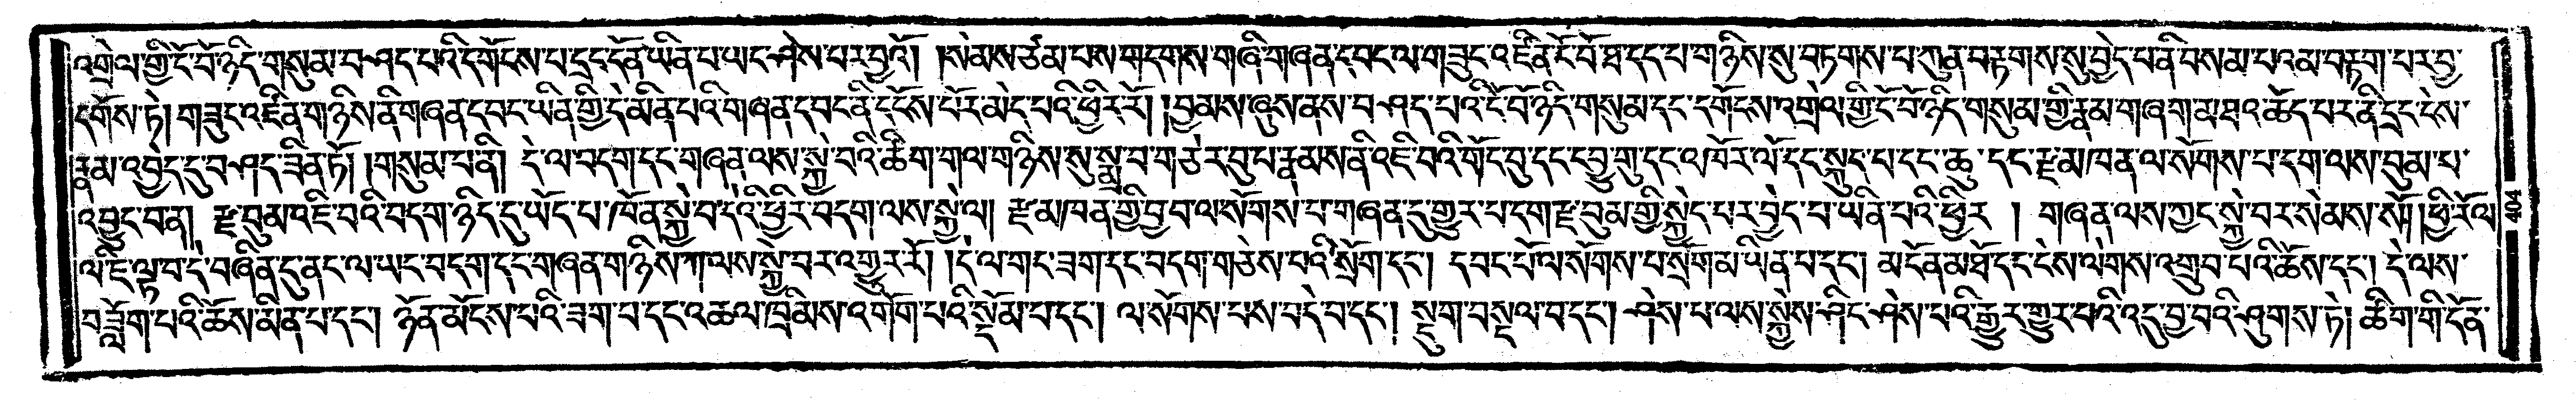འགྲེལ་གྱི་ངོ་བོ་ཉིད་གསུམ་བཤད་པའི་དགོངས་པ་དྲང་དོན་ཡིན་པ་ཡང་ཤེས་པར་བྱའོ། །སེམས་ཙམ་པས་གདགས་གཞི་གཞན་དབང་ལ་གཟུང་འཛིན་ངོ་བོ་ཐ་དད་པ་གཉིས་སུ་བཏགས་པ་ཀུན་བརྟགས་སུ་བྱེད་པ་ནི་བསམ་པའམ་བརྟག་པར་བྱ་
དགོས་ཏེ། གཟུང་འཛིན་གཉིས་ནི་གཞན་དབང་ཡིན་གྱི་དེ་མིན་པའི་གཞན་དབང་ནི་དངོས་པོར་མེད་པའི་ཕྱིར་རོ། །བྱམས་ཞུས་ནས་བཤད་པའི་ངོ་བོ་ཉིད་གསུམ་དང་དགོངས་འགྲེལ་གྱི་ངོ་བོ་ཉིད་གསུམ་གྱི་རྣམ་གཞག་མཐའ་ཆོད་པར་ནི་དྲང་ངེས་
རྣམ་འབྱེད་དུ་བཤད་ཟིན་ཏོ། །གསུམ་པ་ནི། དེ་ལ་བདག་དང་གཞན་ལས་སྐྱེ་བའི་ཚིག་གལ་གཉིས་སུ་སྨྲ་བ་གཅེར་བུ་པ་རྣམས་ནི་འཇི་བའི་གོང་བུ་དང་དབྱུ་གུ་དང་འཁོར་ལོ་དང་སྐུད་པ་དང་ཆུ་དང་རྫ་མཁན་ལ་སོགས་པ་དག་ལས་བུམ་པ་
འབྱུང་བ་ན། རྫ་བུམ་འཇི་བའི་བདག་ཉིད་དུ་ཡོད་པ་ཁོ་ན་སྐྱེ་བ་དེའི་ཕྱིར་བདག་ལས་སྐྱེ་ལ། རྫ་མཁན་གྱི་བྱ་བ་ལ་སོགས་པ་གཞན་དུ་གྱུར་པ་དག་རྫ་བུམ་གྱི་སྐྱེད་པར་བྱེད་པ་ཡིན་པའི་ཕྱིར། གཞན་ལས་ཀྱང་སྐྱེ་བར་སེམས་སོ། །ཕྱི་རོལ་
ལ་ཇི་ལྟ་བ་དེ་བཞིན་དུ་ནང་ལ་ཡང་བདག་དང་གཞན་གཉིས་ཀ་ལས་སྐྱེ་བར་འགྱུར་རོ། །དེ་ལ་གང་ཟག་དང་བདག་གཅེས་པའི་སྲོག་དང་། དབང་པོ་ལ་སོགས་པ་སྲོག་མ་ཡིན་པ་དང་། མངོན་མཐོ་དང་ངེས་ལེགས་འགྲུབ་པའི་ཆོས་དང་། དེ་ལས་
བཟློག་པའི་ཆོས་མིན་པ་དང་། ཉོན་མོངས་པའི་ཟག་པ་དང་འཆལ་ཁྲིམས་འགོག་པའི་སྡོམ་པ་དང་། ལ་སོགས་པས་བདེ་བ་དང་། སྡུག་བསྔལ་བ་དང་། ཤེས་པ་ལས་སྐྱེས་ཤིང་ཤེས་པའི་རྒྱུར་གྱུར་པའི་འདུ་བྱ་བའི་ཤུགས་ཏེ། ཚིག་གི་དོན་